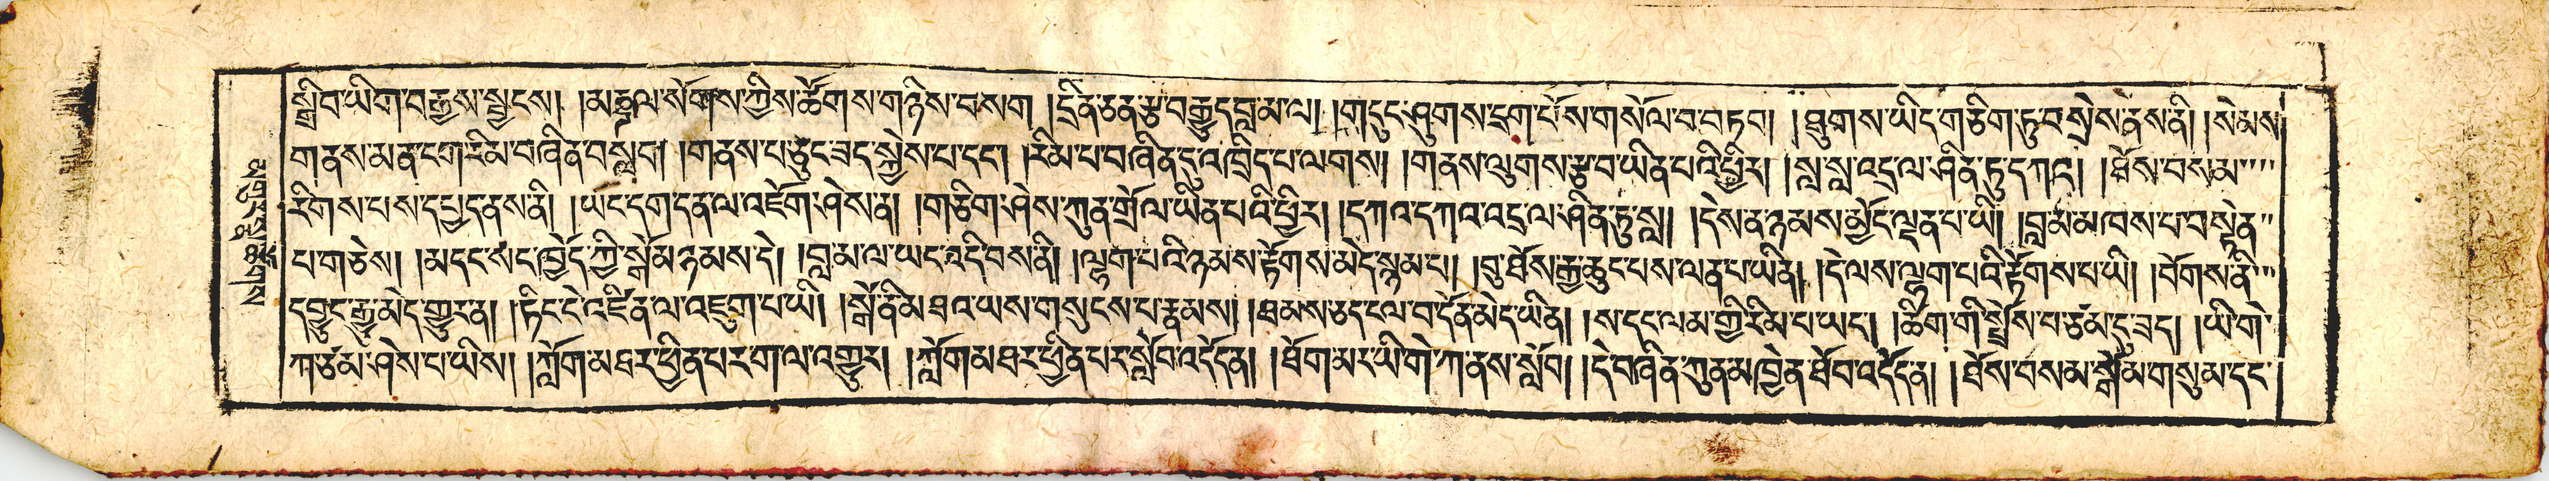སྒྲིབ་ཡིག་བརྒྱས་སྦྱངས། །མནྜལ་སོགས་ཀྱིས་ཚོགས་གཉིས་བསགས། །དྲིན་ཅན་རྩ་བརྒྱུད་བླ་མ་ལ། །གདུང་ཤུགས་དྲག་པོས་གསོལ་བ་བཏབ། །ཐུགས་ཡིད་གཅིག་ཏུ་བསྲེས་ནས་ནི། །སེམས་
གནས་མན་ངག་རིམ་བཞིན་བསླབ། །གནས་པ་ཅུང་ཟད་སྐྱེས་པ་དང་། །རིམ་པ་བཞིན་དུ་འཁྲིད་པ་ལགས། །གནས་ལུགས་རྩ་བ་ཡིན་པའི་ཕྱིར། །སླ་སླ་འདྲ་ལ་ཤིན་ཏུ་དཀའ། །ཐོས་བསམ་
རིགས་པས་དཔྱད་ནས་ནི། །ཡང་དག་དོན་ལ་འཇོག་ཤེས་ན། །གཅིག་ཤེས་ཀུན་གྲོལ་ཡིན་པའི་ཕྱིར། །དཀའ་དཀའ་འདྲ་ལ་ཤིན་ཏུ་སླ། །དེས་ན་ཉམས་མྱོང་ལྡན་པ་ཡི། །བླ་མ་མཁས་པ་བསྟེན་
པ་གཅེས། །མདང་སང་ཁྱེད་ཀྱི་སྒོམ་ཉམས་དེ། །བླ་མ་ལ་ཡང་འདི་བས་ནི། །ལྷག་པའི་ཉམས་རྟོགས་མེད་སྙམ་པ། །བུ་ཐོས་རྒྱ་ཆུང་པས་ལན་པ་ཡིན། །དེ་ལས་ལྷག་པའི་རྟོགས་པ་ཡི། །བོགས་ནི་
དབྱུང་རྒྱུ་མེད་གྱུར་ན། །ཏིང་ངེ་འཛིན་ལ་འཇུག་པ་ཡི། །སྒོ་ནི་མཐའ་ཡས་གསུངས་པ་རྣམས། །ཐམས་ཅད་ངལ་བ་དོན་མེད་ཡིན། །ས་དང་ལམ་གྱི་རིམ་པ་ཡང་། །ཚིག་གི་སྨྲོས་པ་ཙམ་དུ་ཟད། །ཡི་གེ་
ཀ་ཙམ་ཤེས་པ་ཡིས། །ཀློག་མཐར་ཕྱིན་པར་ག་ལ་འགྱུར། །ཀློག་མཐར་ཕྱིན་པར་སློབ་འདོད་ན། །ཐོག་མར་ཡི་གེ་ཀ་ནས་སློབ། །དེ་བཞིན་ཀུན་མཁྱེན་ཐོབ་འདོད་ན། །ཐོས་བསམ་སྒོམ་གསུམ་དང་